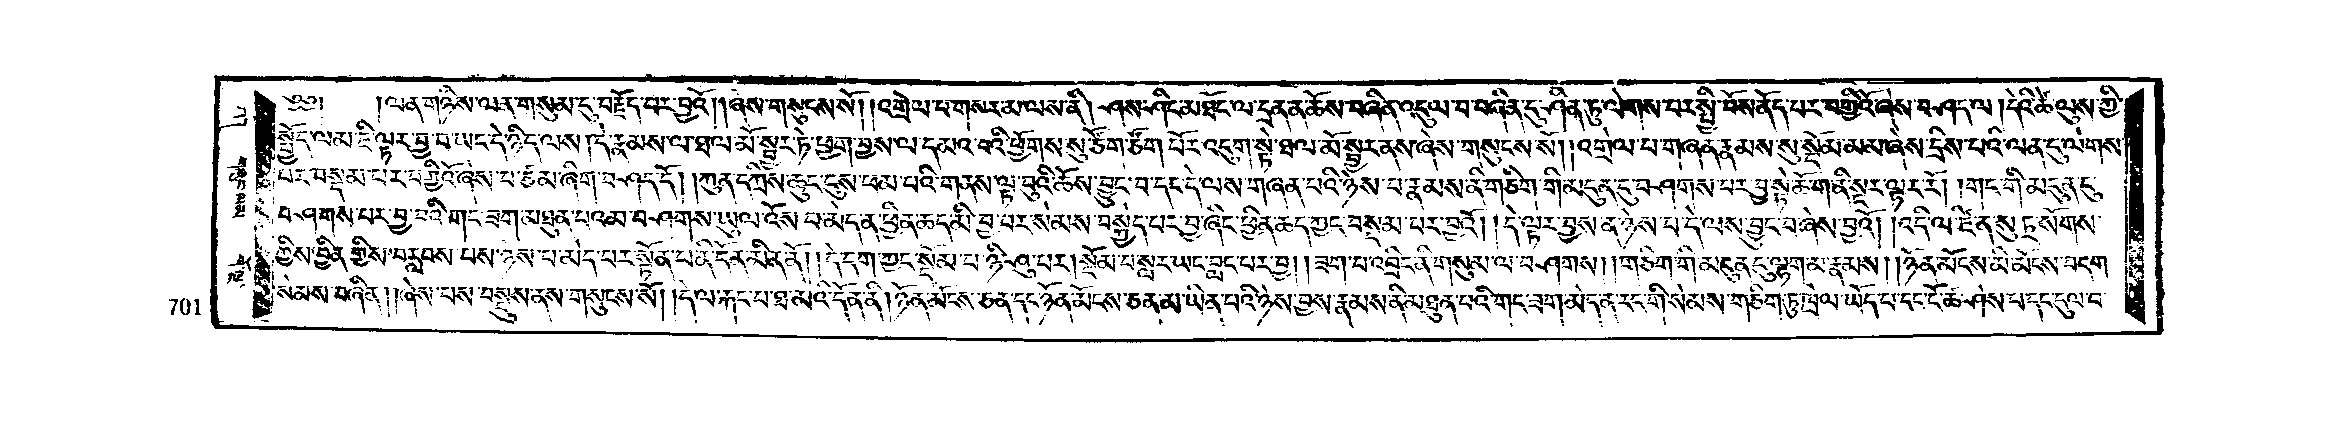༄༅། །ལན་གཉིས་ལན་གསུམ་དུ་བརྗོད་པར་བྱའོ། །ཞེས་གསུངས་སོ། །འགྲེལ་པ་གསར་མ་ལས་ནི། ཤས་ཤིང་མཐོང་ལ་དྲན་ན་ཆོས་བཞིན་འདུལ་བ་བཞིན་དུ་ཤིན་ཏུ་ལེགས་པར་སྤྱི་བོས་ནོད་པར་བགྱིའོ་ཞེས་བཤད་ལ། དེའི་ཚེ་ལུས་ཀྱི་
སྤྱོད་ལམ་ཇི་ལྟར་བྱ་བ་ཡང་དེ་ཉིད་ལས། དེ་རྣམས་ལ་ཐལ་མོ་སྦྱར་ཏེ་ཕྱག་བྱས་ལ་དམའ་བའི་ཕྱོགས་སུ་ཙོག་ཙོག་པོར་འདུག་སྟེ་ཐལ་མོ་སྦྱར་ནས་ཞེས་གསུངས་སོ། །འགྲེལ་པ་གཞན་རྣམས་སུ་སྡོམ་མམ་ཞེས་དྲིས་པའི་ལན་དུ་ལེགས་
པར་བསྡམ་པར་བགྱིའོ་ཞེས་པ་ཙམ་ཞིག་བཤད་དོ། །ཀུན་དཀྲིས་ཆུང་དུས་ཕམ་པའི་གནས་ལྟ་བུའི་ཆོད་བྱུང་བ་དང་དེ་ལས་གཞན་པའི་ཉེས་པ་རྣམས་ནི་གཅིག་གི་མདུན་དུ་བཤགས་པར་བྱ་སྟེ་ཆོ་ག་ནི་སྔར་ལྟར་རོ། །གང་གི་མདུན་དུ་
བཤགས་པར་བྱ་བའི་གང་ཟག་མཐུན་པའམ་བཤགས་ཡུལ་འོས་པ་མེད་ན་ཕྱིན་ཆད་མི་བྱ་བར་སེམས་བསྐྱེད་པར་བྱ་ཞིང་ཕྱིན་ཆད་ཀྱང་བསྡམ་པར་བྱའོ། །དེ་ལྟར་བྱས་ན་ཉེས་པ་དེ་ལས་བྱུང་བ་ཞེས་བྱའོ། །འདི་ལ་ཛི་ན་སུ་ཏྲ་སོགས་
ཀྱིས་བྱིན་གྱིས་བརླབས་པས་ཉེས་པ་མེད་པར་སྟོན་པ་ནི་དོན་མིན་ནོ། །དེ་དག་ཀྱང་སྡོམ་པ་ཉི་ཤུ་པར། སྡོམ་པ་སླར་ཡང་བླང་པར་བྱ། །ཟག་པ་འབྲིང་ནི་གསུམ་ལ་བཤགས། །གཅིག་གི་མདུན་དུ་ལྷག་མ་རྣམས། །ཉོན་མོངས་མི་མོངས་བདག་
སེམས་བཞིན། །ཞེས་པས་བསྡུས་ནས་གསུངས་སོ། །དེ་ལ་རྐང་པ་ཐ་མའི་དོན་ནི། ཉོན་མོངས་ཅན་དང་ཉོན་མོངས་ཅན་མ་ཡིན་པའི་ཉེས་བྱས་རྣམས་ནི་མཐུན་པའི་གང་ཟག་མེད་ན་རང་གི་སེམས་གཅིག་ཏུ་ཁྲེལ་ཡོད་པ་དང་ངོ་ཚ་ཤེས་པ་དང་དུལ་བ་